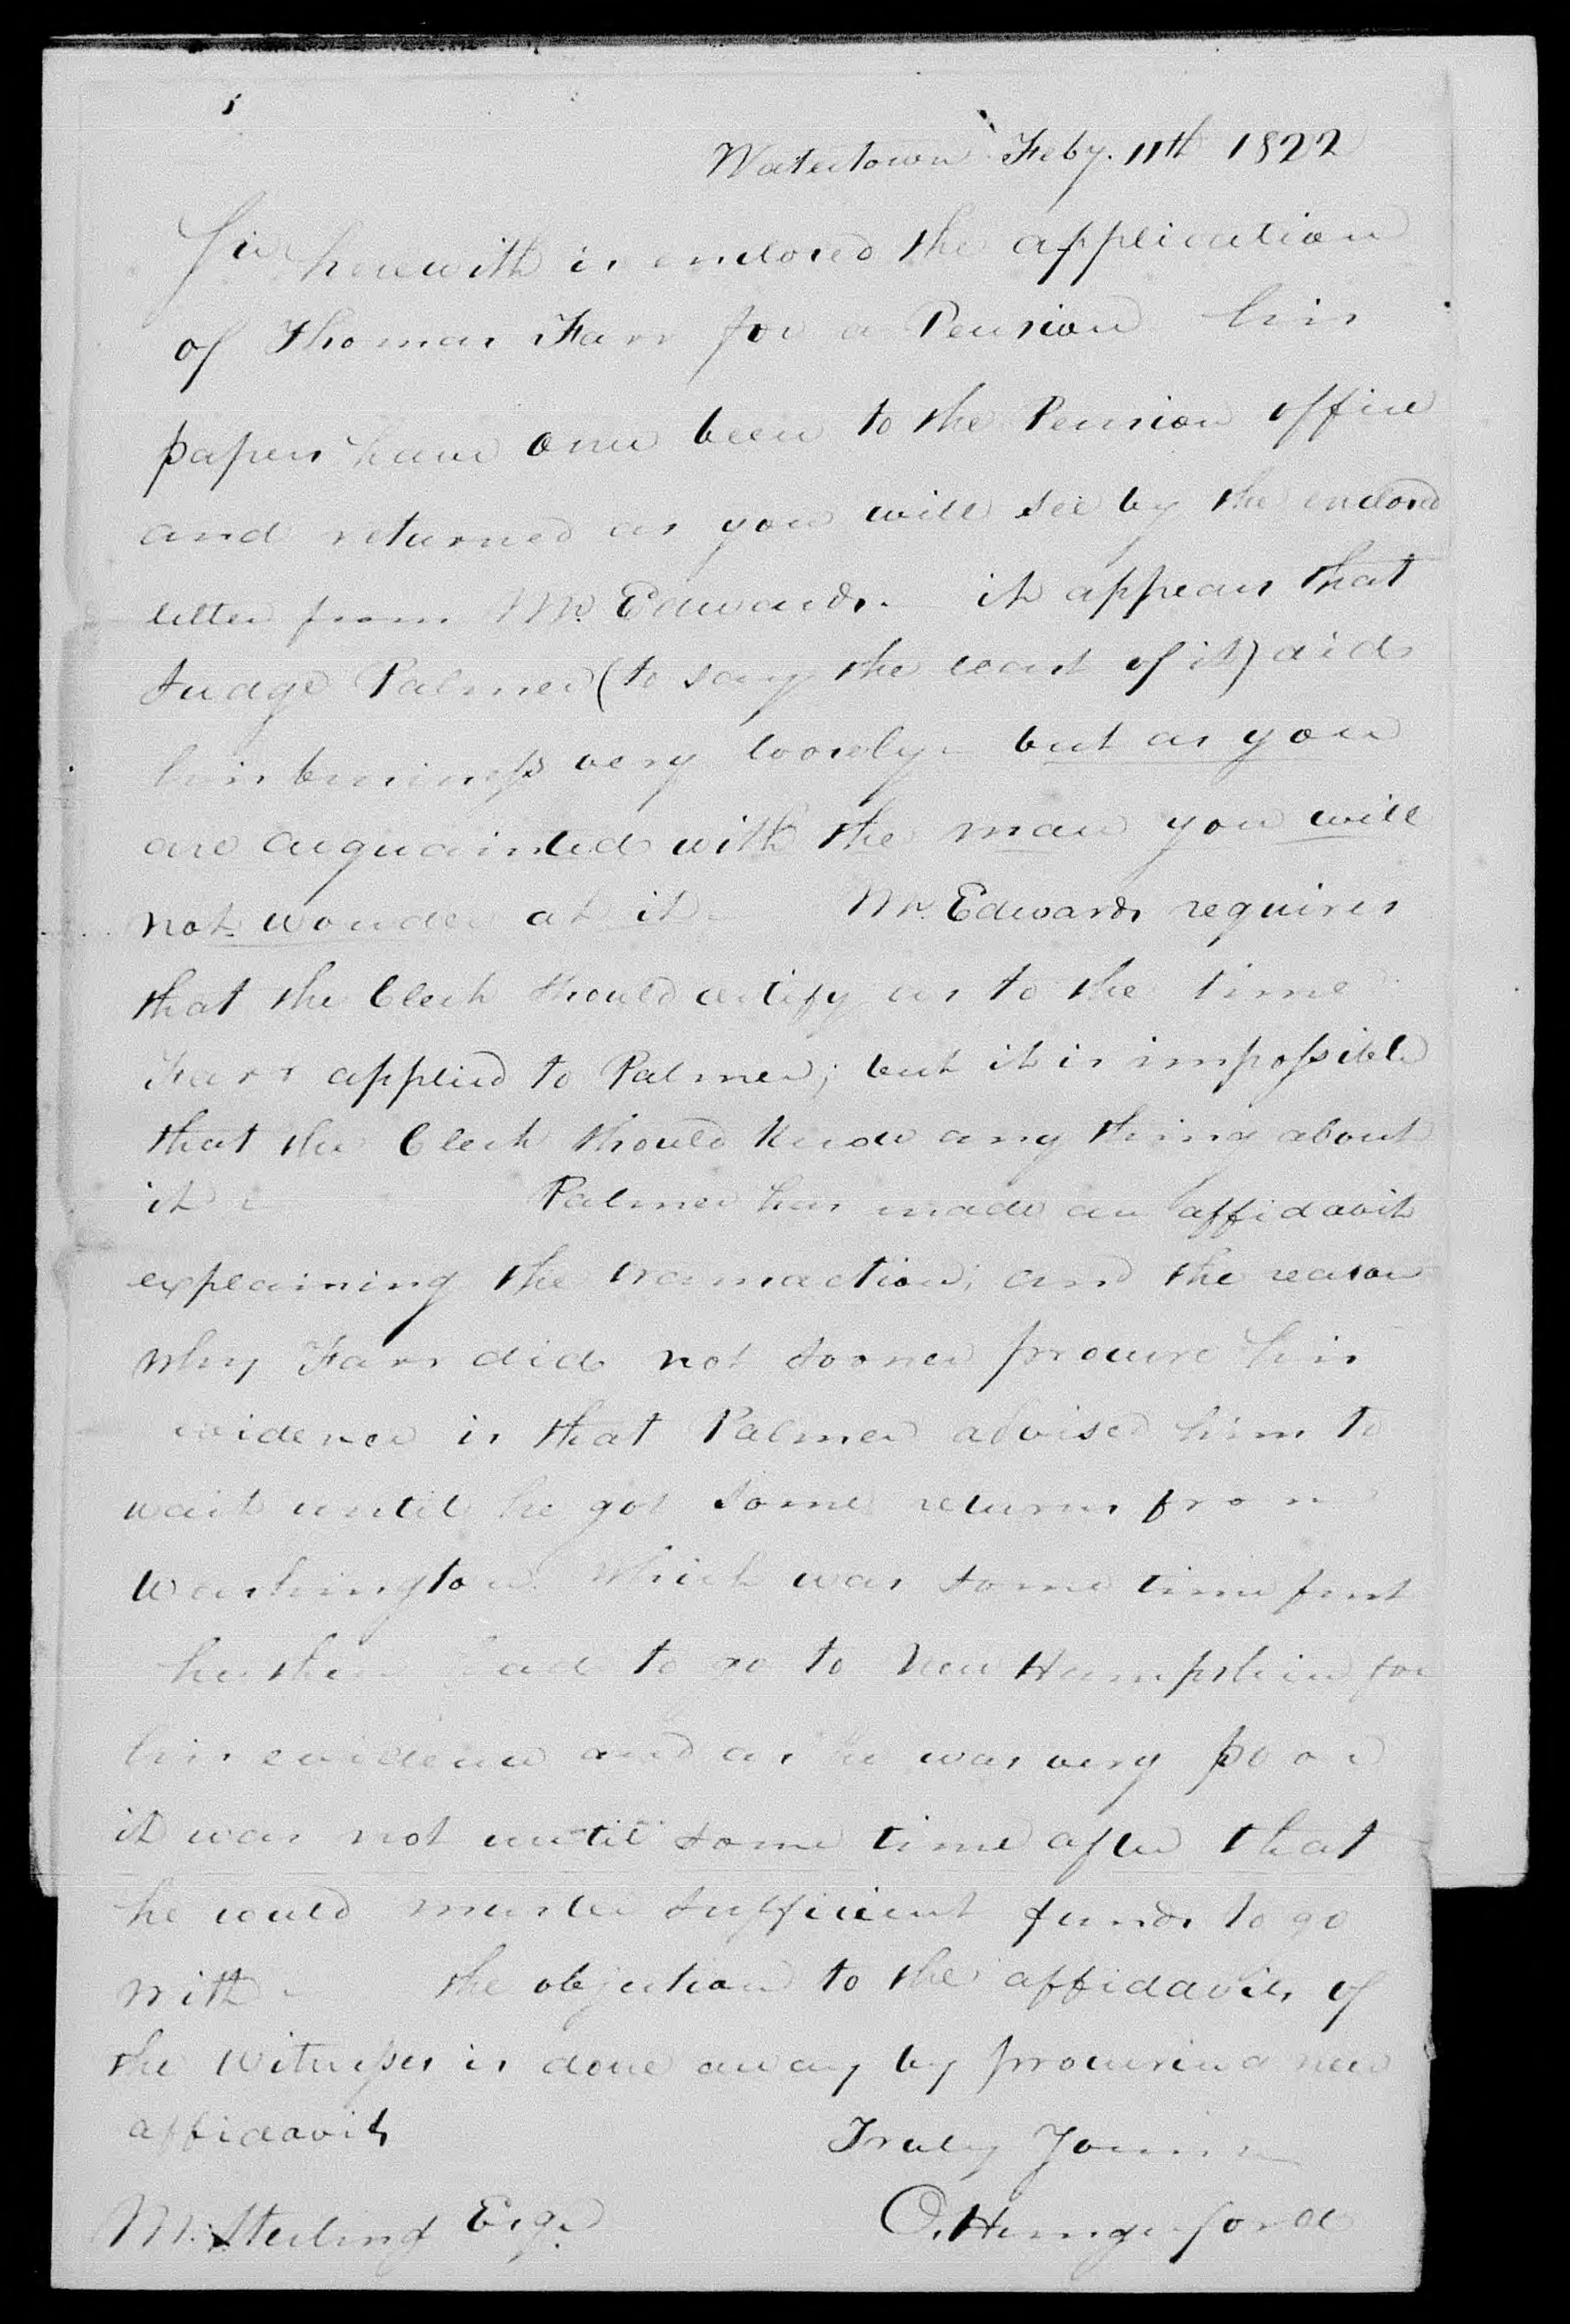Watertown Feby. 11th 1822
Sir herewith is enclosed the application
of Thomas Farr for a Pension his
papers have once been to the pension office
and returned as you will see by the enclosed
letter from Mr Edwards. it appears that
Judge Palmer (to say the least of it) did
his business very loosely but as you
are acquainted with the man you will
not wonder at it Mr. Edwards requires
that the Clerk should certify as to the time
Farr applied to Palmer; but it is impossible
that the Clerk should know anything about
it -   Palmer has made an affidavit
explaining the transaction; and the reasons
why Farr did not sooner procure his
evidence is that Palmer advised him to
wait until he got some return from
Washington which was some time first
he then had to go to New Hampshire for
his evidence and as he was very poor
it was not until some time after that
he would be sufficient funds to go
with    the objection to the affidavits of
the witnesses is done away by procesing new
affidavit
Truly yours
M. Sterling Esq       O. Hungerford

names: Edwards, Palmer, Farr, Edwards, O Hungerford, Palmer, Thomas Farr, M Sterling, Palmer, Palmer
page: 37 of 46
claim: widow's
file: W. 23022, Thomas Farr, N.H.